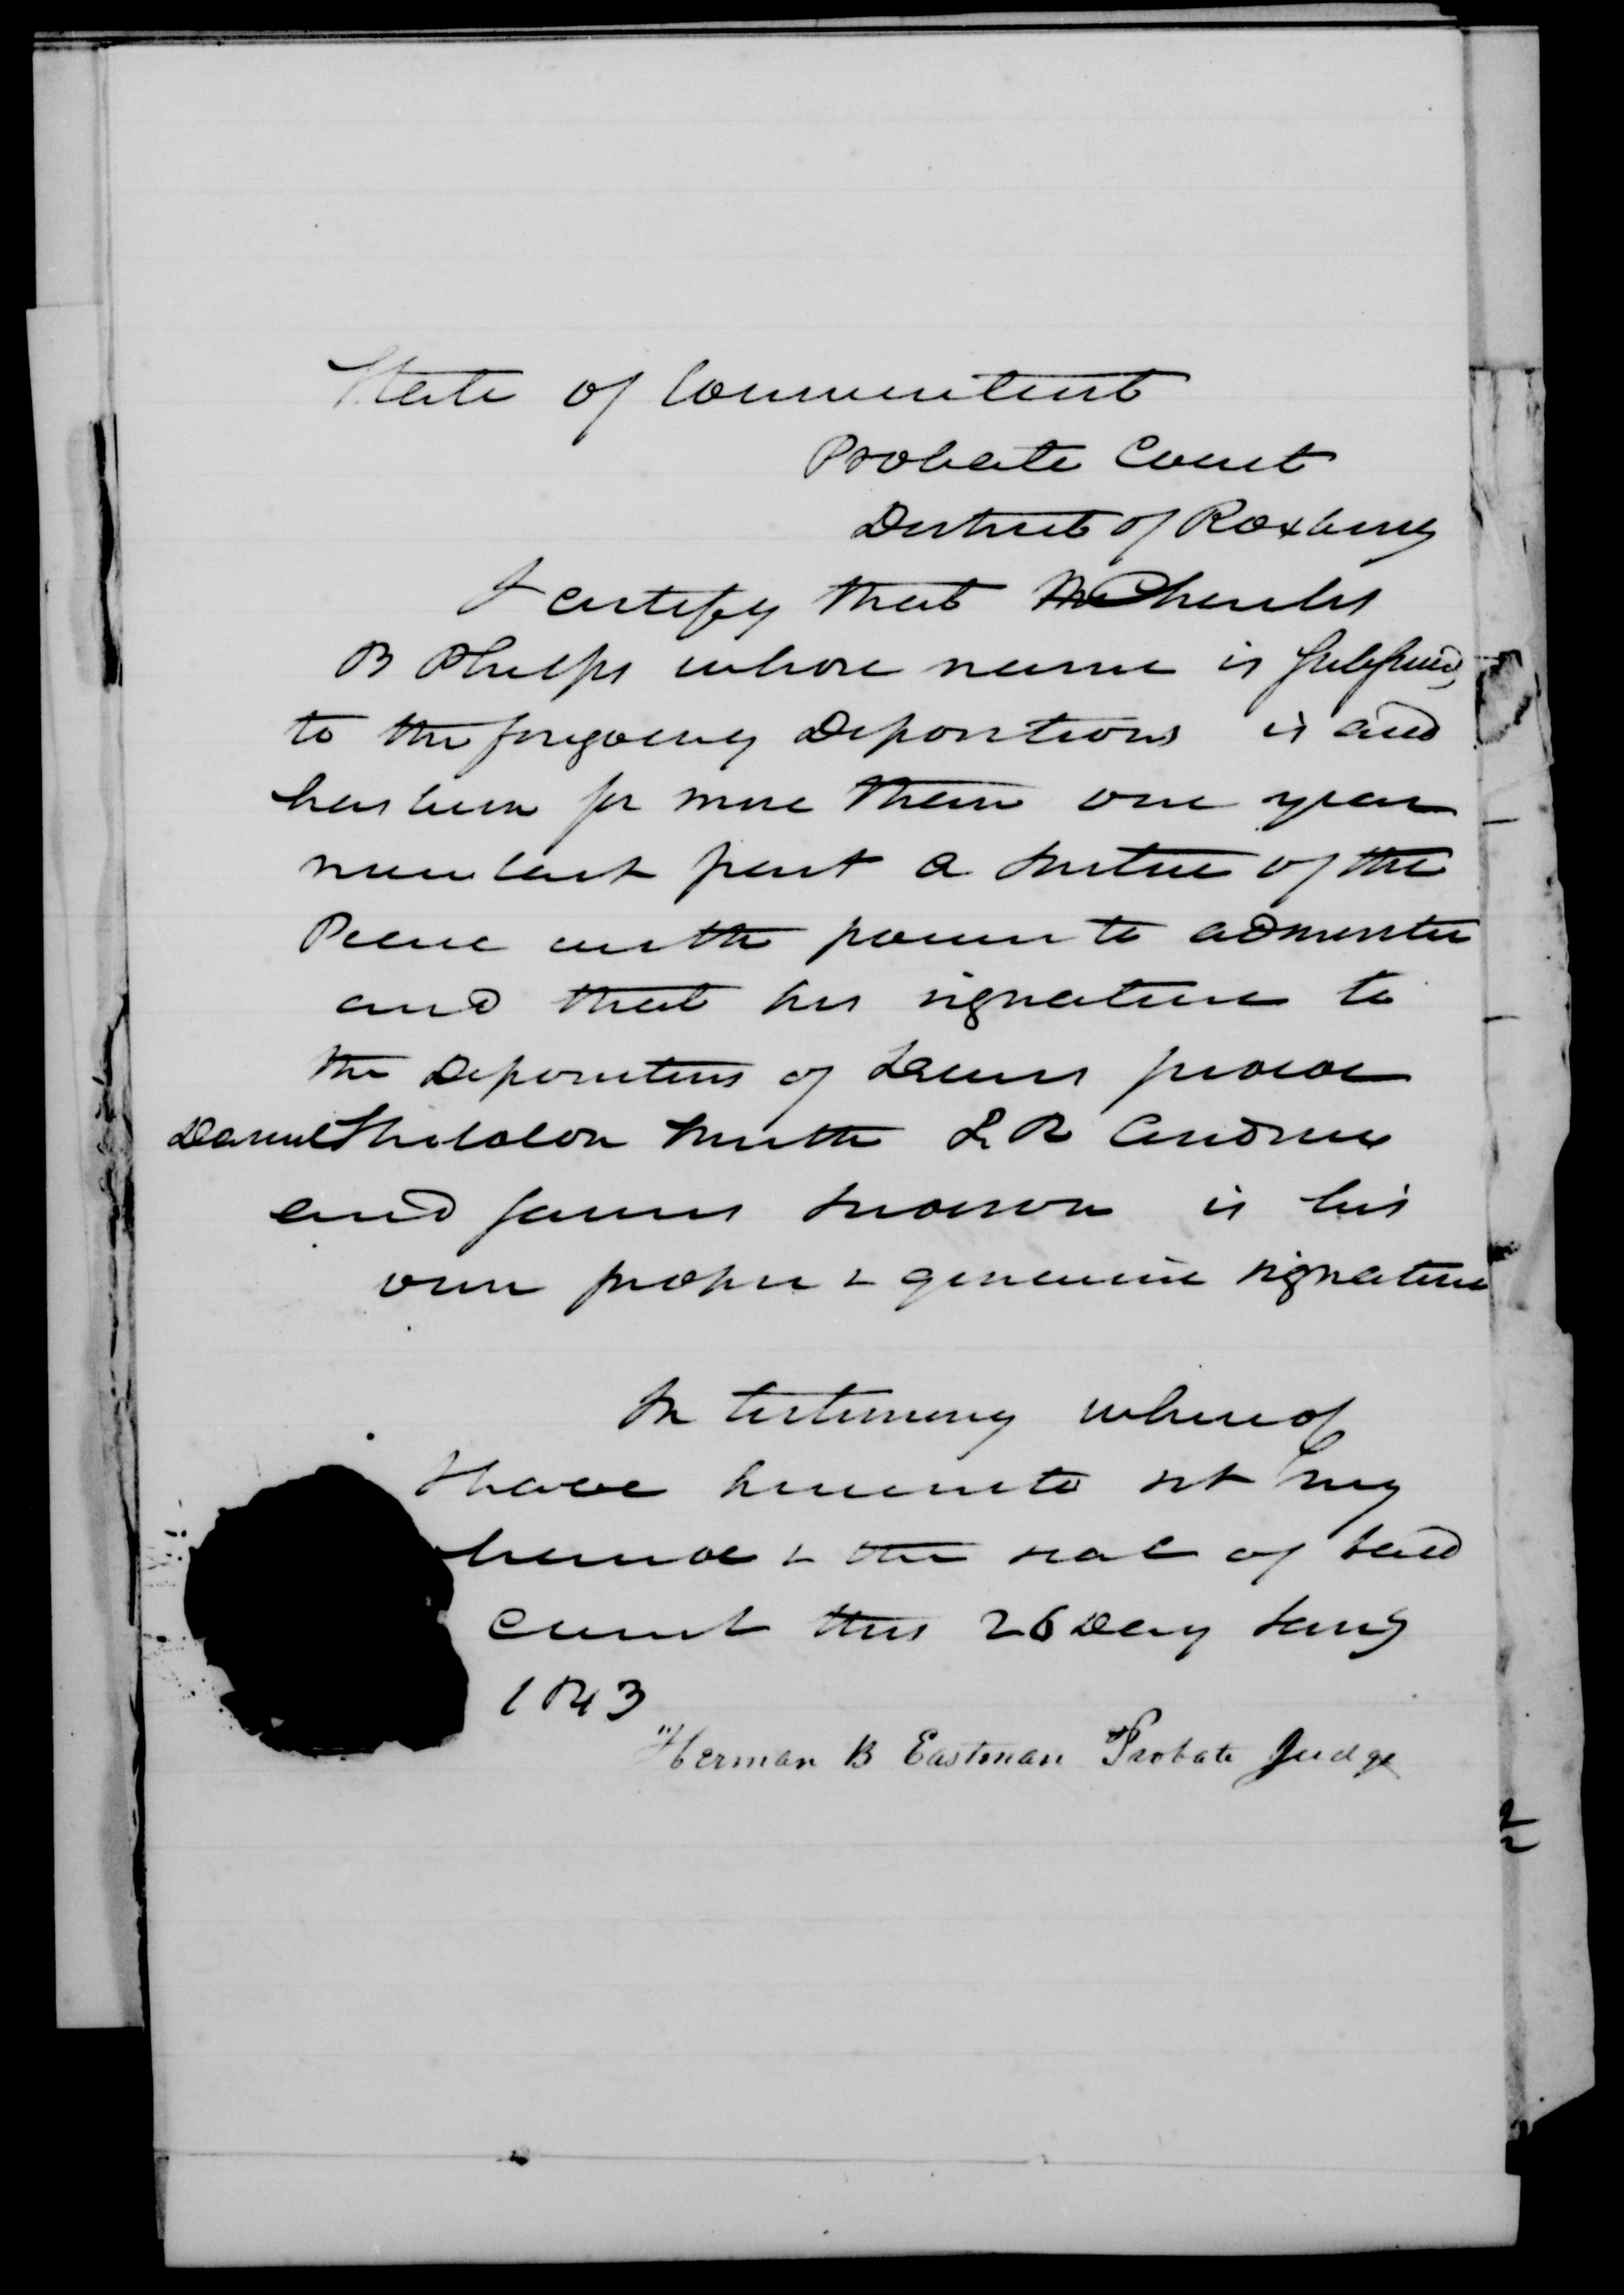State of Connecticut 
Probate Court District of Roxbury 
I certify that Charles B Phelps whose name is subscribed to the foregoing depositions is and has been for more than one year now last past a Justice of the Peace with power to administer oaths that his signature to the depositions of  [unreadable], Daniel Sheldon Smith & S. R Andrew and James Judson is his own proper & genuine signature.   
In testimony whereof have hereunto set my hand this 26 day Jany 1843 
Herman B Eastman Probate Judge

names: Daniel Sheldon Smith; Herman B Eastman; Charles B Phelps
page: 19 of 55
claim: widow's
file: W. 11480, for Phinehas Smith, Connecticut